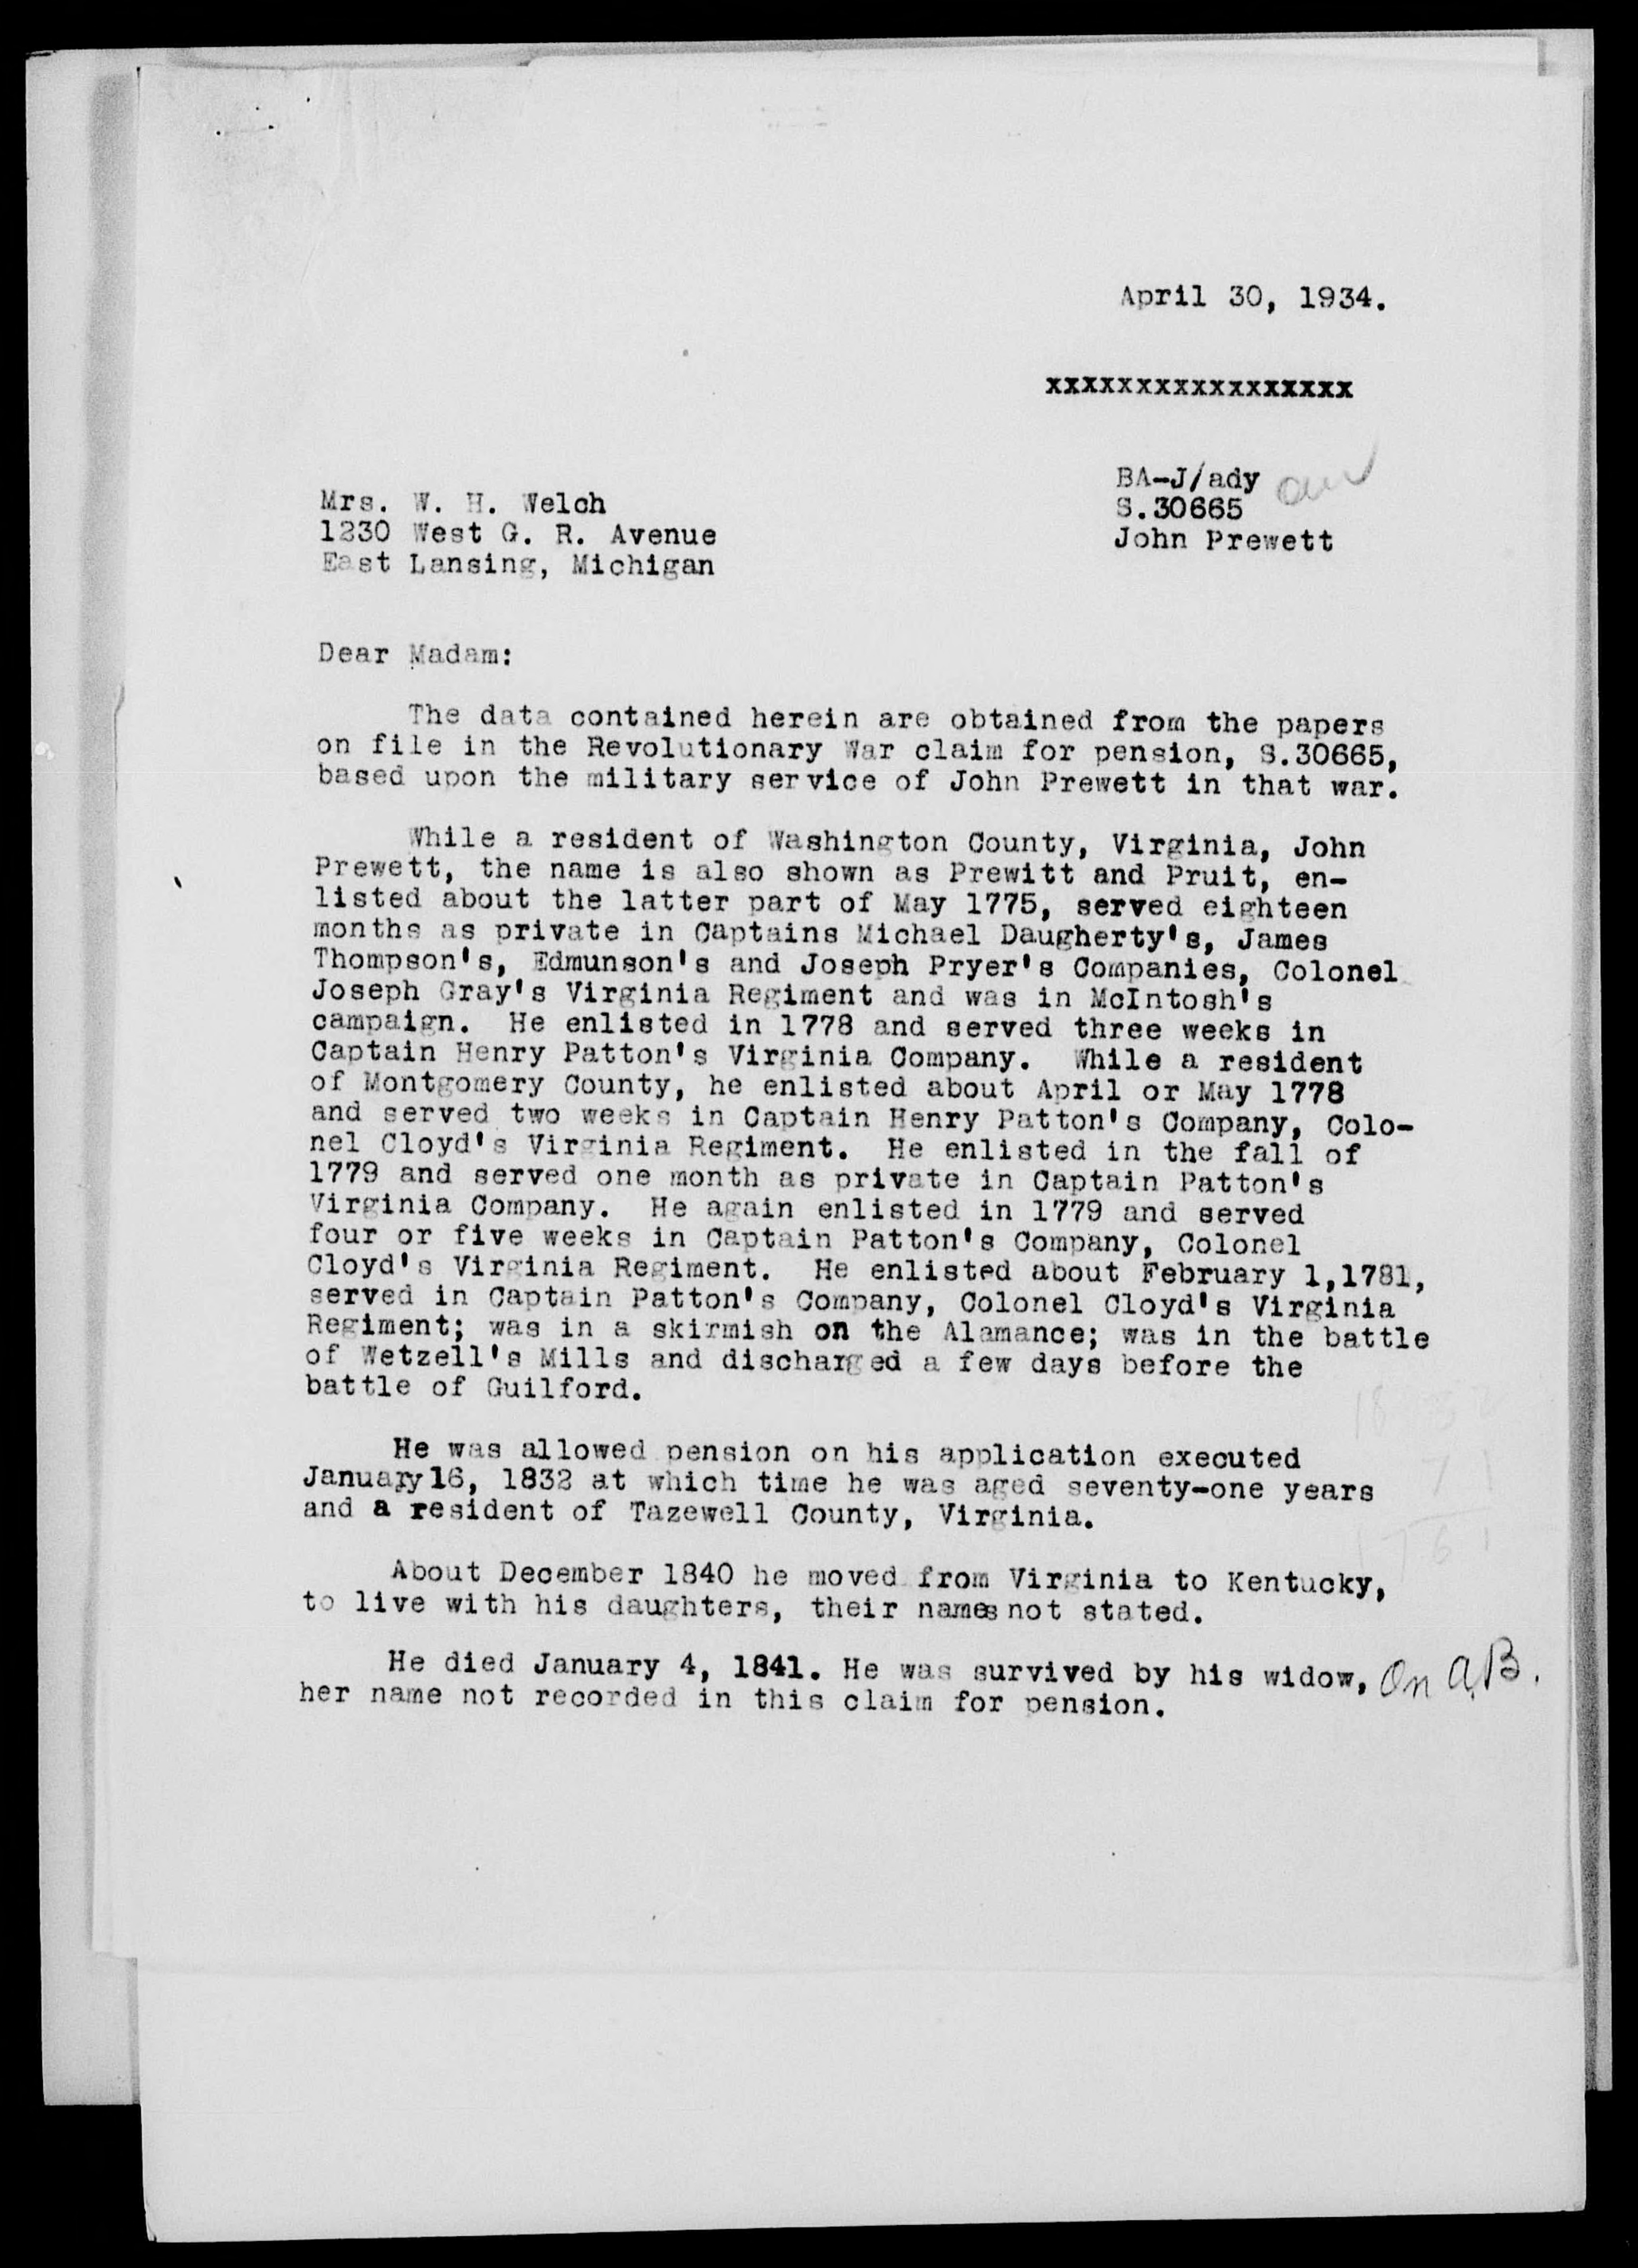April 30, 1934.
xxxxxxxxxxx
BA-J/ady
S. 30665
John Prewett

Mrs. W. H. Welch
1230 West G. R. Avenue
East Lansing, Michigan

Dear Madam:

The data contained herein are obtained from the papers on file in the Revolutionary War claim for pension, S. 30665, based upon the military service of John Prewett in that war.

While a resident of Washington County, Virginia, John Prewett, the name is also shown as Prewitt and Pruit, enlisted about the latter part of May 1775, served eighteen months as private in Captains Michael Daugherty's, James Thompson's, Edmunson's and Joseph Pryer's Companies, Colonel Joseph Gray's Virginia Regiment and was in McIntosh's campaign. He enlisted in 1778 and served three weeks in Captain Henry Patton's Virginia Company. While a resident of Montgomery County, he enlisted about April or May 1778 and served two weeks in Captain Henry Patton's Company, Colonel Cloyd's Virginia Regiment. He enlisted in the fall of 1779 and served one month as private in Captain Patton's Virginia Company. He again enlisted in 1779 and served four or five weeks in Captain Patton's Company, Colonel Cloyd's Virginia Regiment. He enlisted about February 1, 1781, served in Captain Patton's Company, Colonel Cloyd's Virginia Regiment; was in a skirmish on the Alamance; was in the battle of Wetzell's Mills and discharged a few days before the battle of Guilford.

He was allowed pension on his application executed January 16, 1832 at which time he was aged seventy-one years and a resident of Tazewell County, Virginia.

About December 1840 he moved from Virginia to Kentucky, to live with his daughters, their names not stated.

He died January 4, 1841. He was survived by his widow, [clerk note: On A.B.] her name not recorded in this claim for pension.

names: [BLANK] Pruit; John Prewett; [BLANK] Prewitt; W H Welch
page: 14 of 35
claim: survivor's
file: S. 30,665, for John Prewett, Virginia